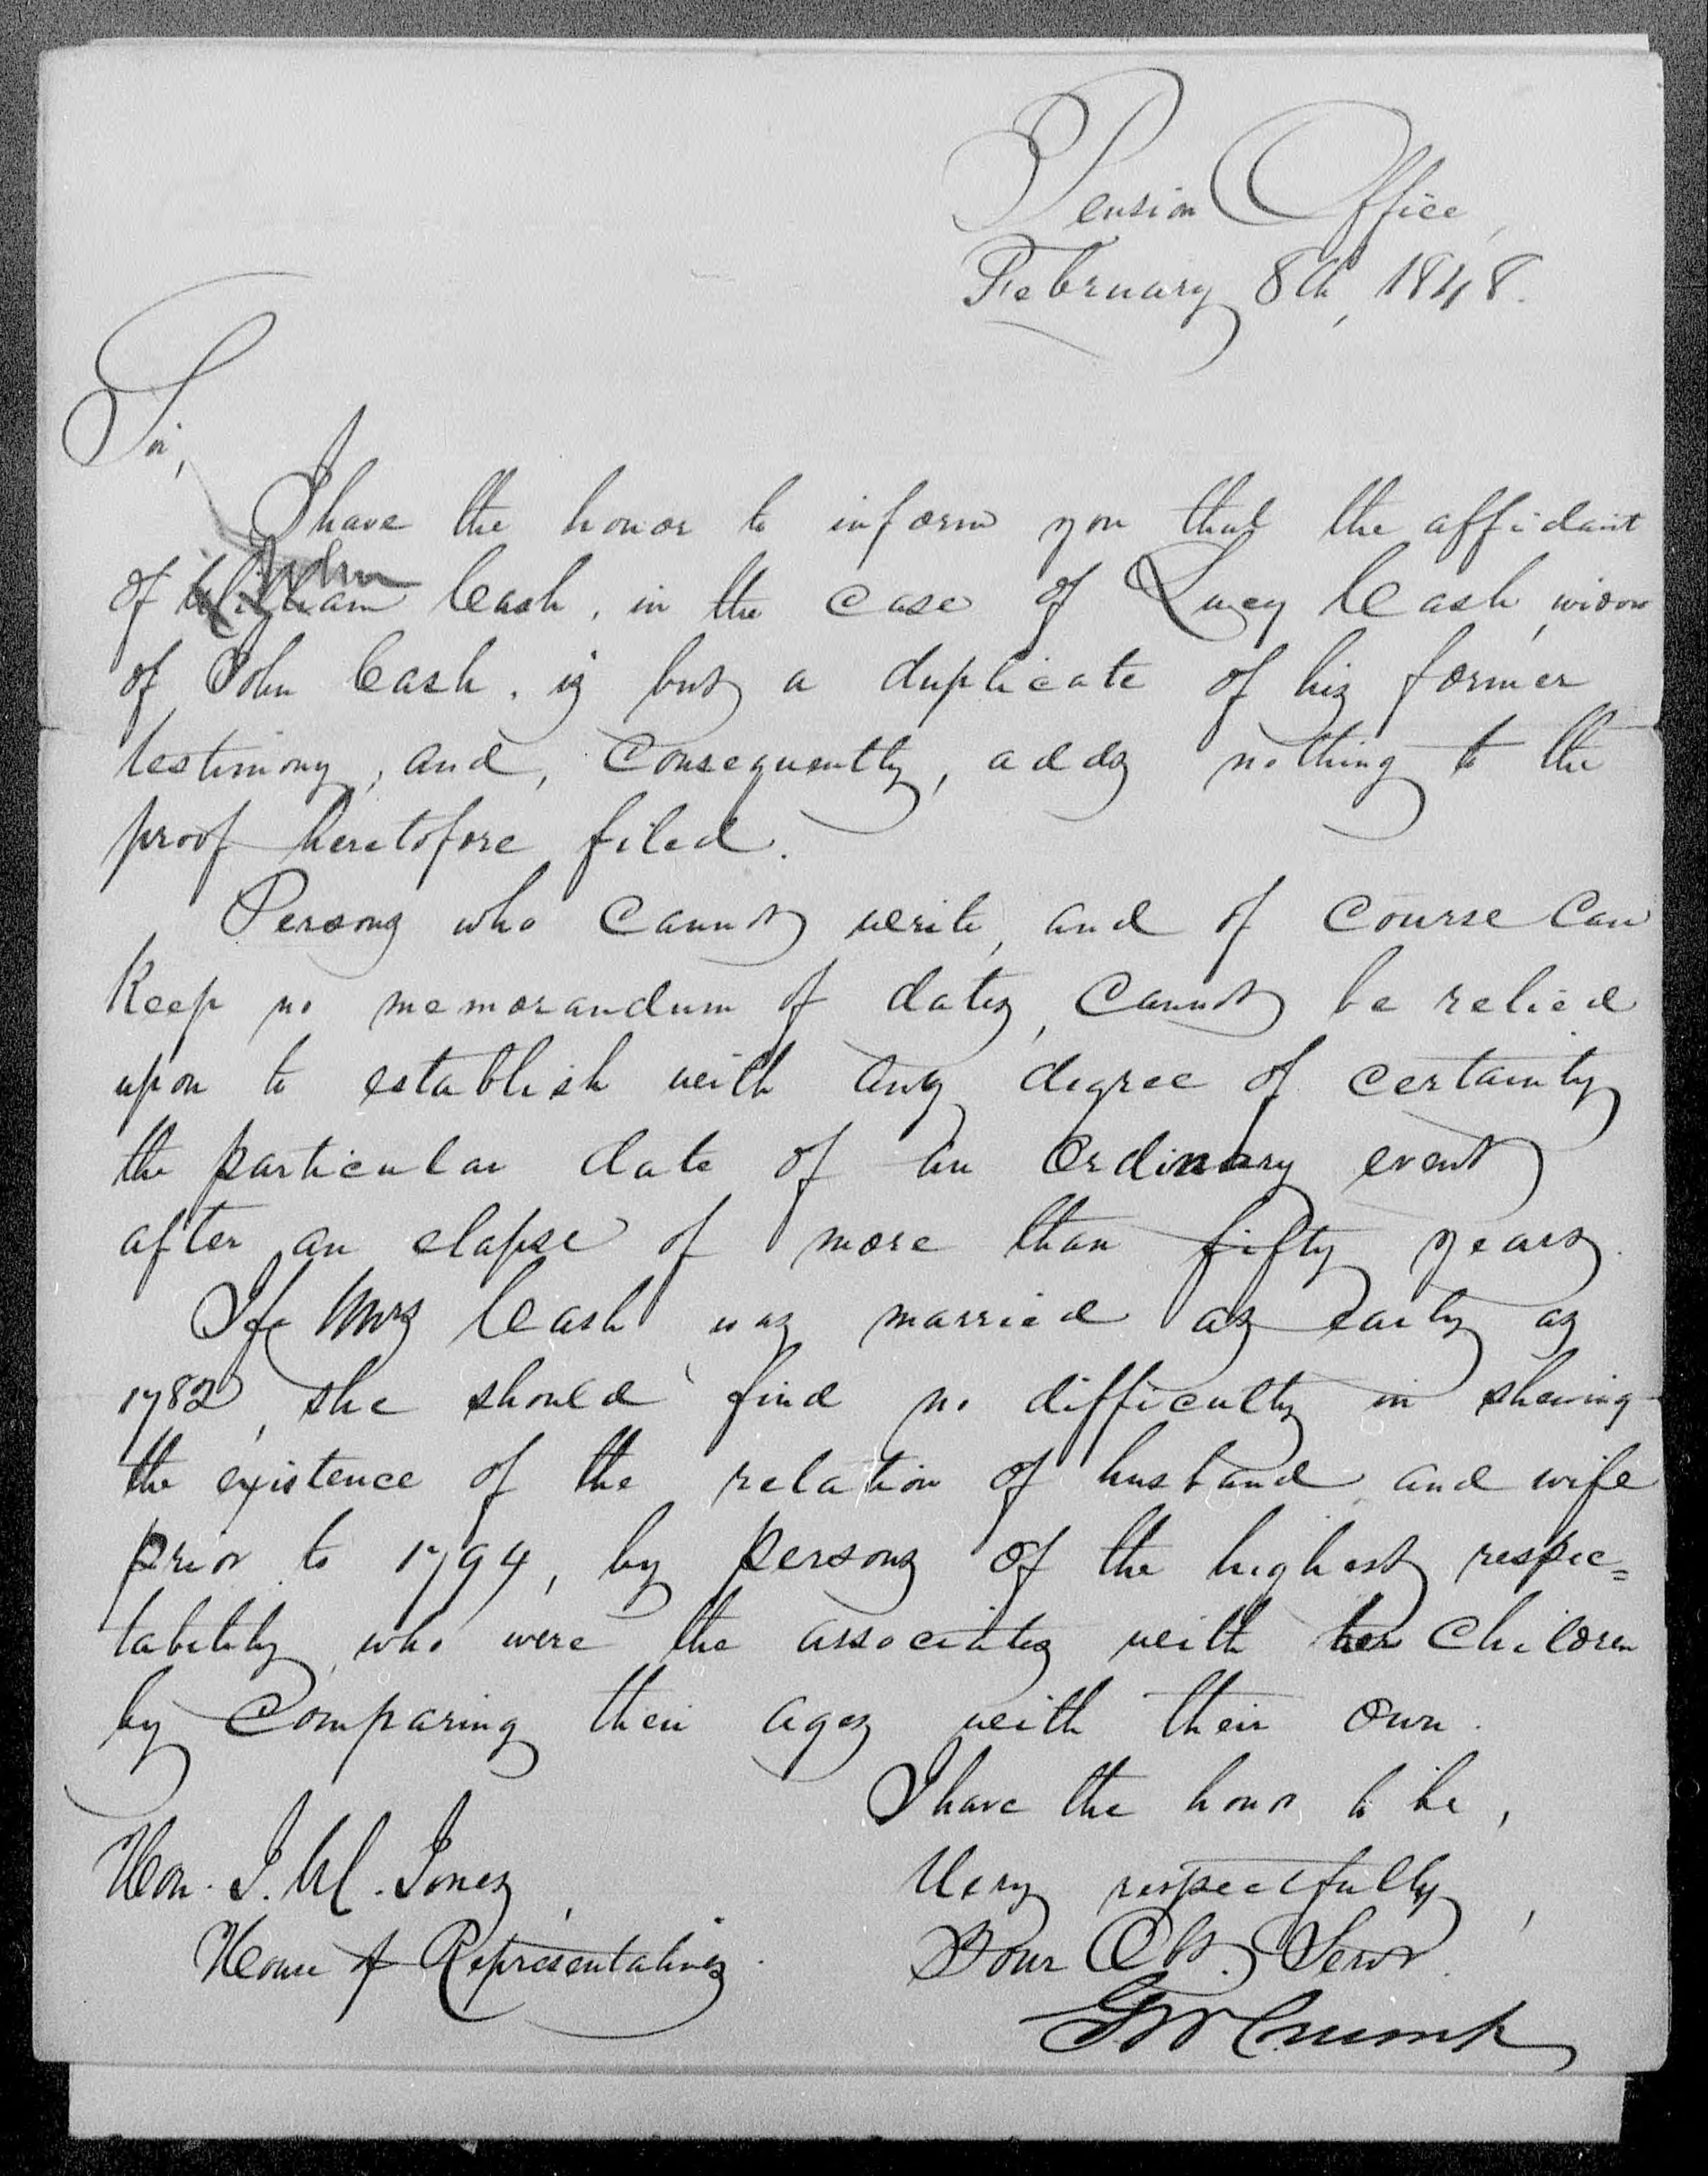Pension Office
February 8th 1848
Sir,
I have the honor to inform you that the affidavit _____ Cash in the case of Lucy Cash, widow of John Cash, is but a duplicate of his former testimony, and consequently adds nothing to the proof heretofore filed.
Persons who could write, and of course can keep no memorandum of dates Court be relied upon to establish with any degree of certainty the particular date of an Ordinary event after an elapse of more than fifty years.
If Mrs. Cash was married as early as
1782 she should find no difficulty in shewing the existence of the relation of husband and wife prior to 1794, by persons of the highest respectability, who were the associates with her children by comparing their ages
with their own.
I have the honor to be
Very respectfully
Your obedient Servant,
G W Crump

Hon. J W Jones
House of Representatives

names: Cash, John Cash, J W Jones, John Cash, G W Crump, Lucy Cash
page: 68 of 73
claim: widow's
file: W. 5,894, John Cash, Va.